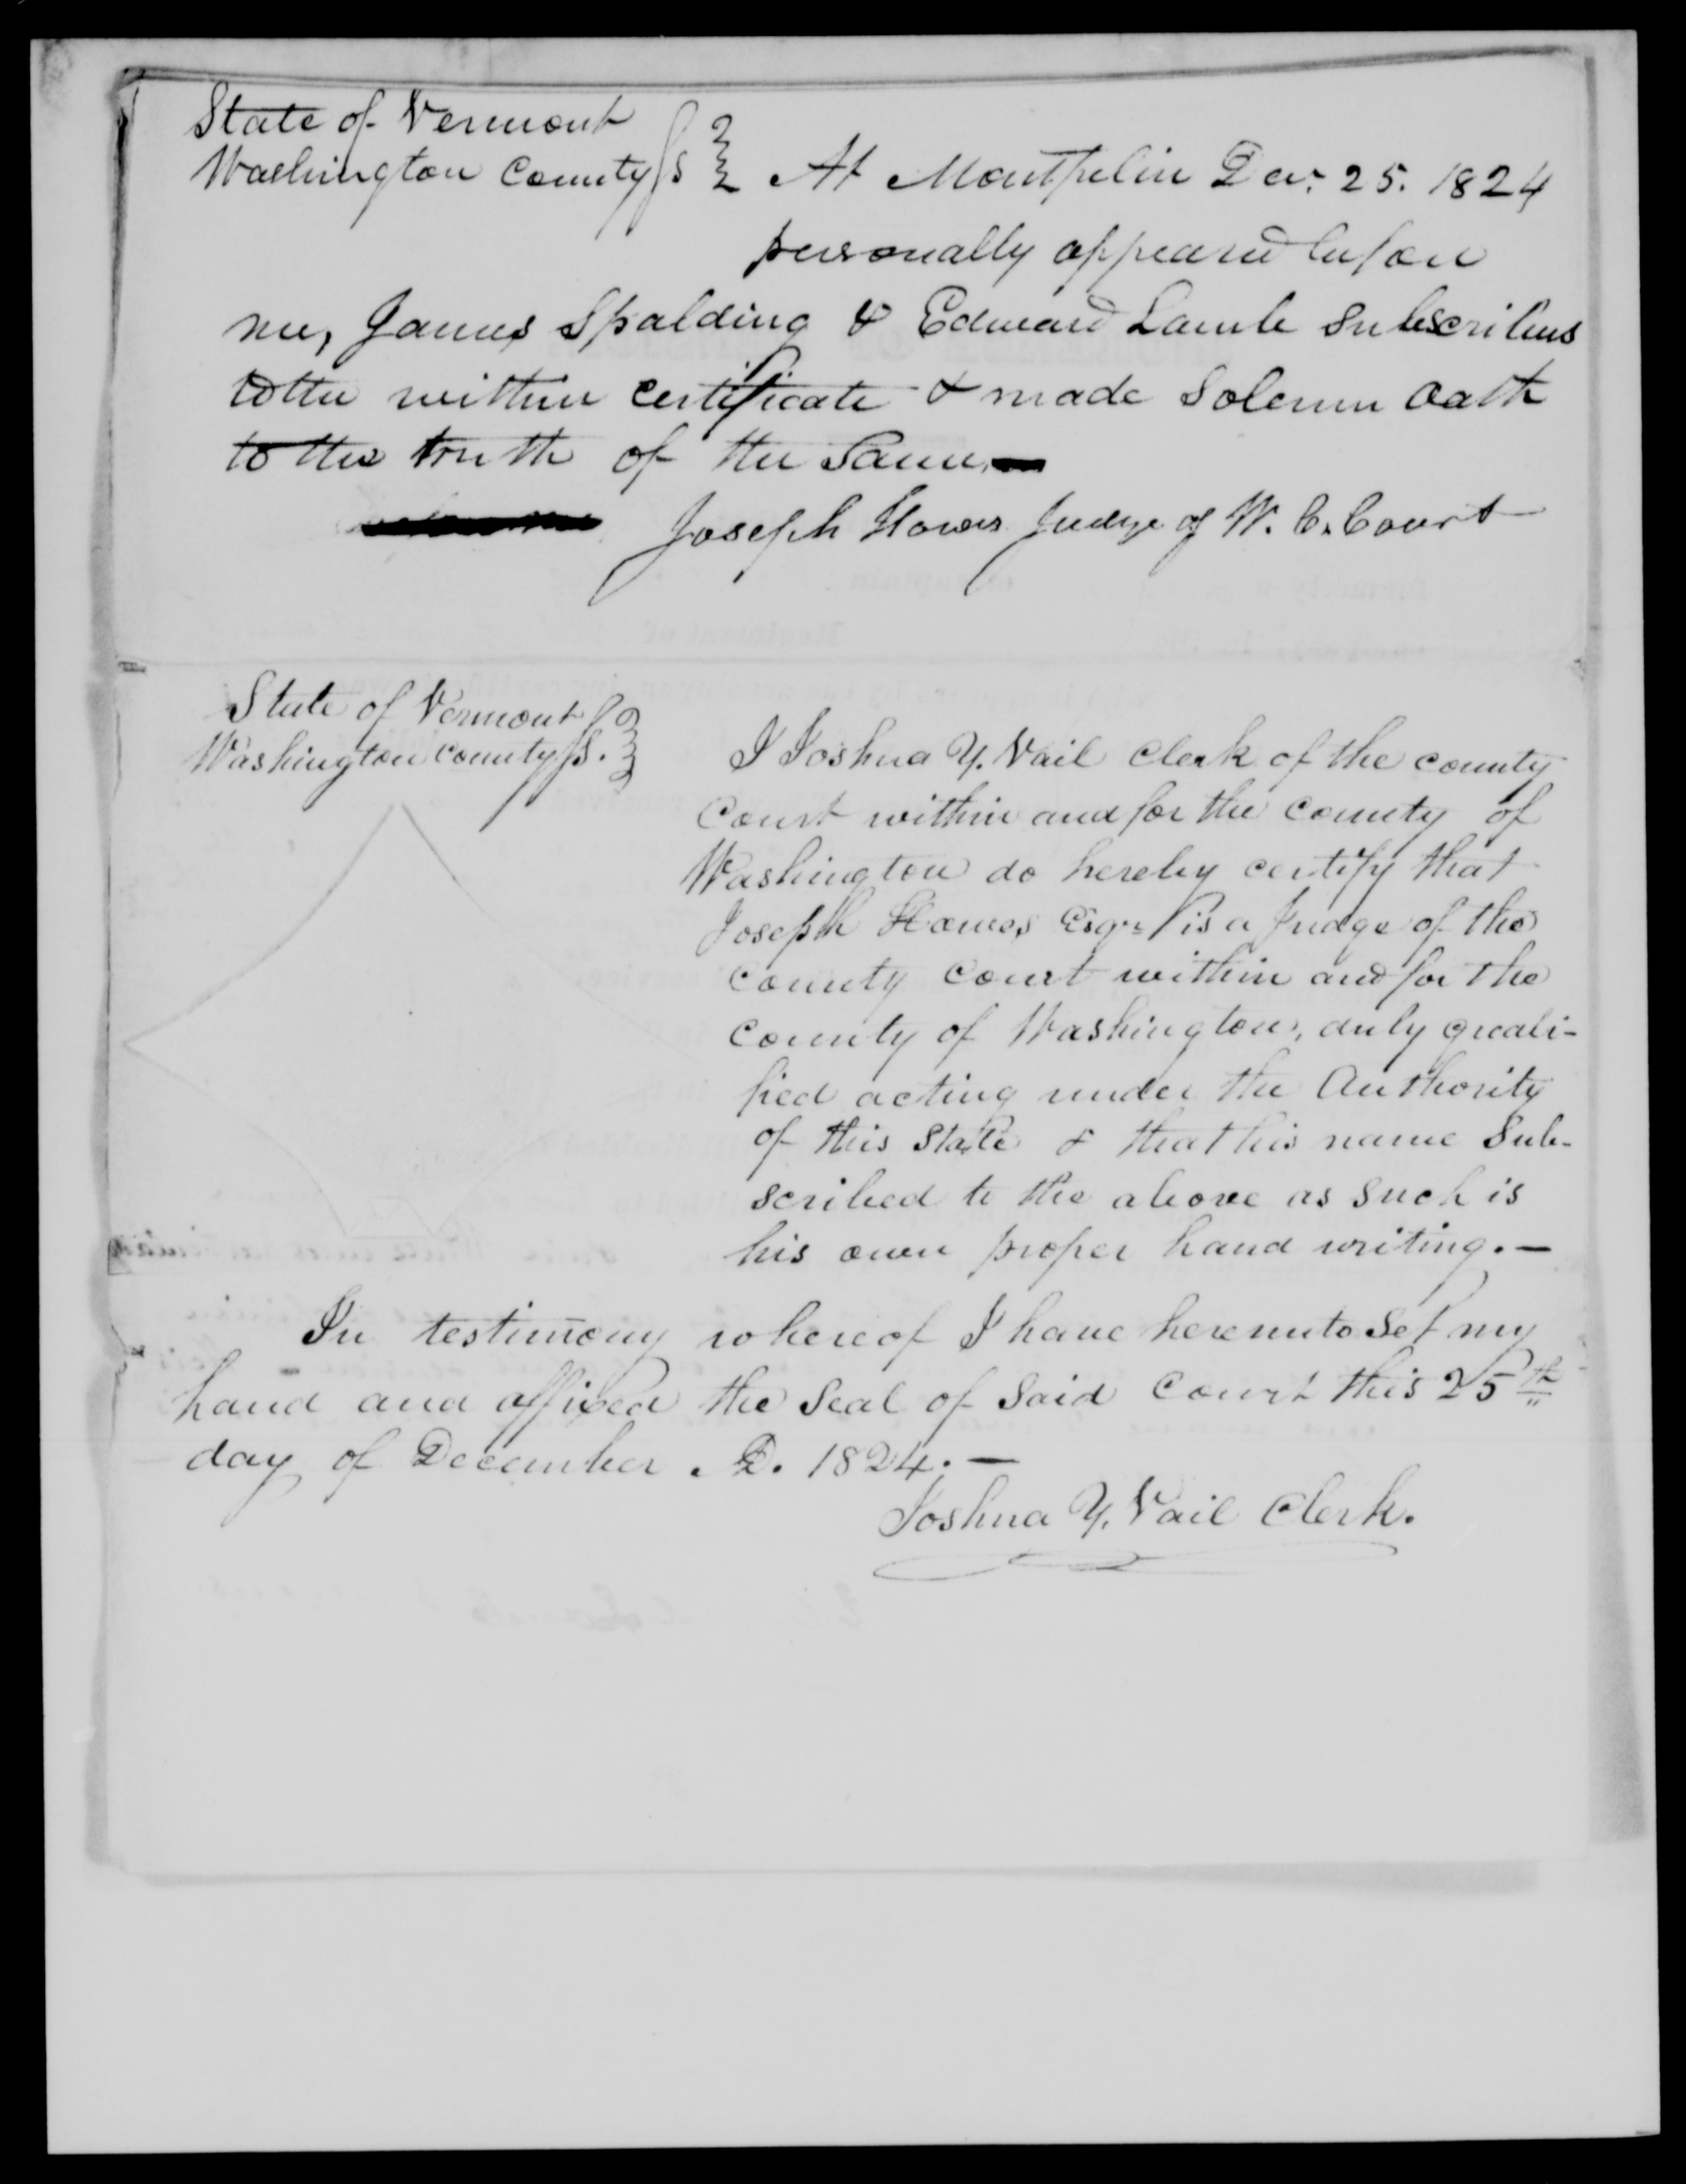State of Vermont
Washington County Ss
At Montpelier Dec. 25, 1824 personally appeared before me James Spalding & Edward Lamb subscribers to the written certificate & made solemn oath to the truth of the same.
Joseph Howes Judge of W. C. Court

State of Vermont Washington County Ss.
I Joshua Y. Vail Clerk of the county court within and for the county of Washington do hereby certify that Hon. Joseph Howes Esqr is a Judge of the county court within and for the county of Washington duly commissioned acting under the authority of this State & that his name subscribed to the above as such is his own proper hand writing.
In testimony whereof I have hereunto set my hand and affixed the seal of said court this 25th day of December A.D. 1824
Joshua Y. Vail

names: Joseph Howes, Edward Lamb, James Spalding, Joshua Y Nail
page: 52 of 79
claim: survivor's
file: S. 11759, Samuel White, Mass.